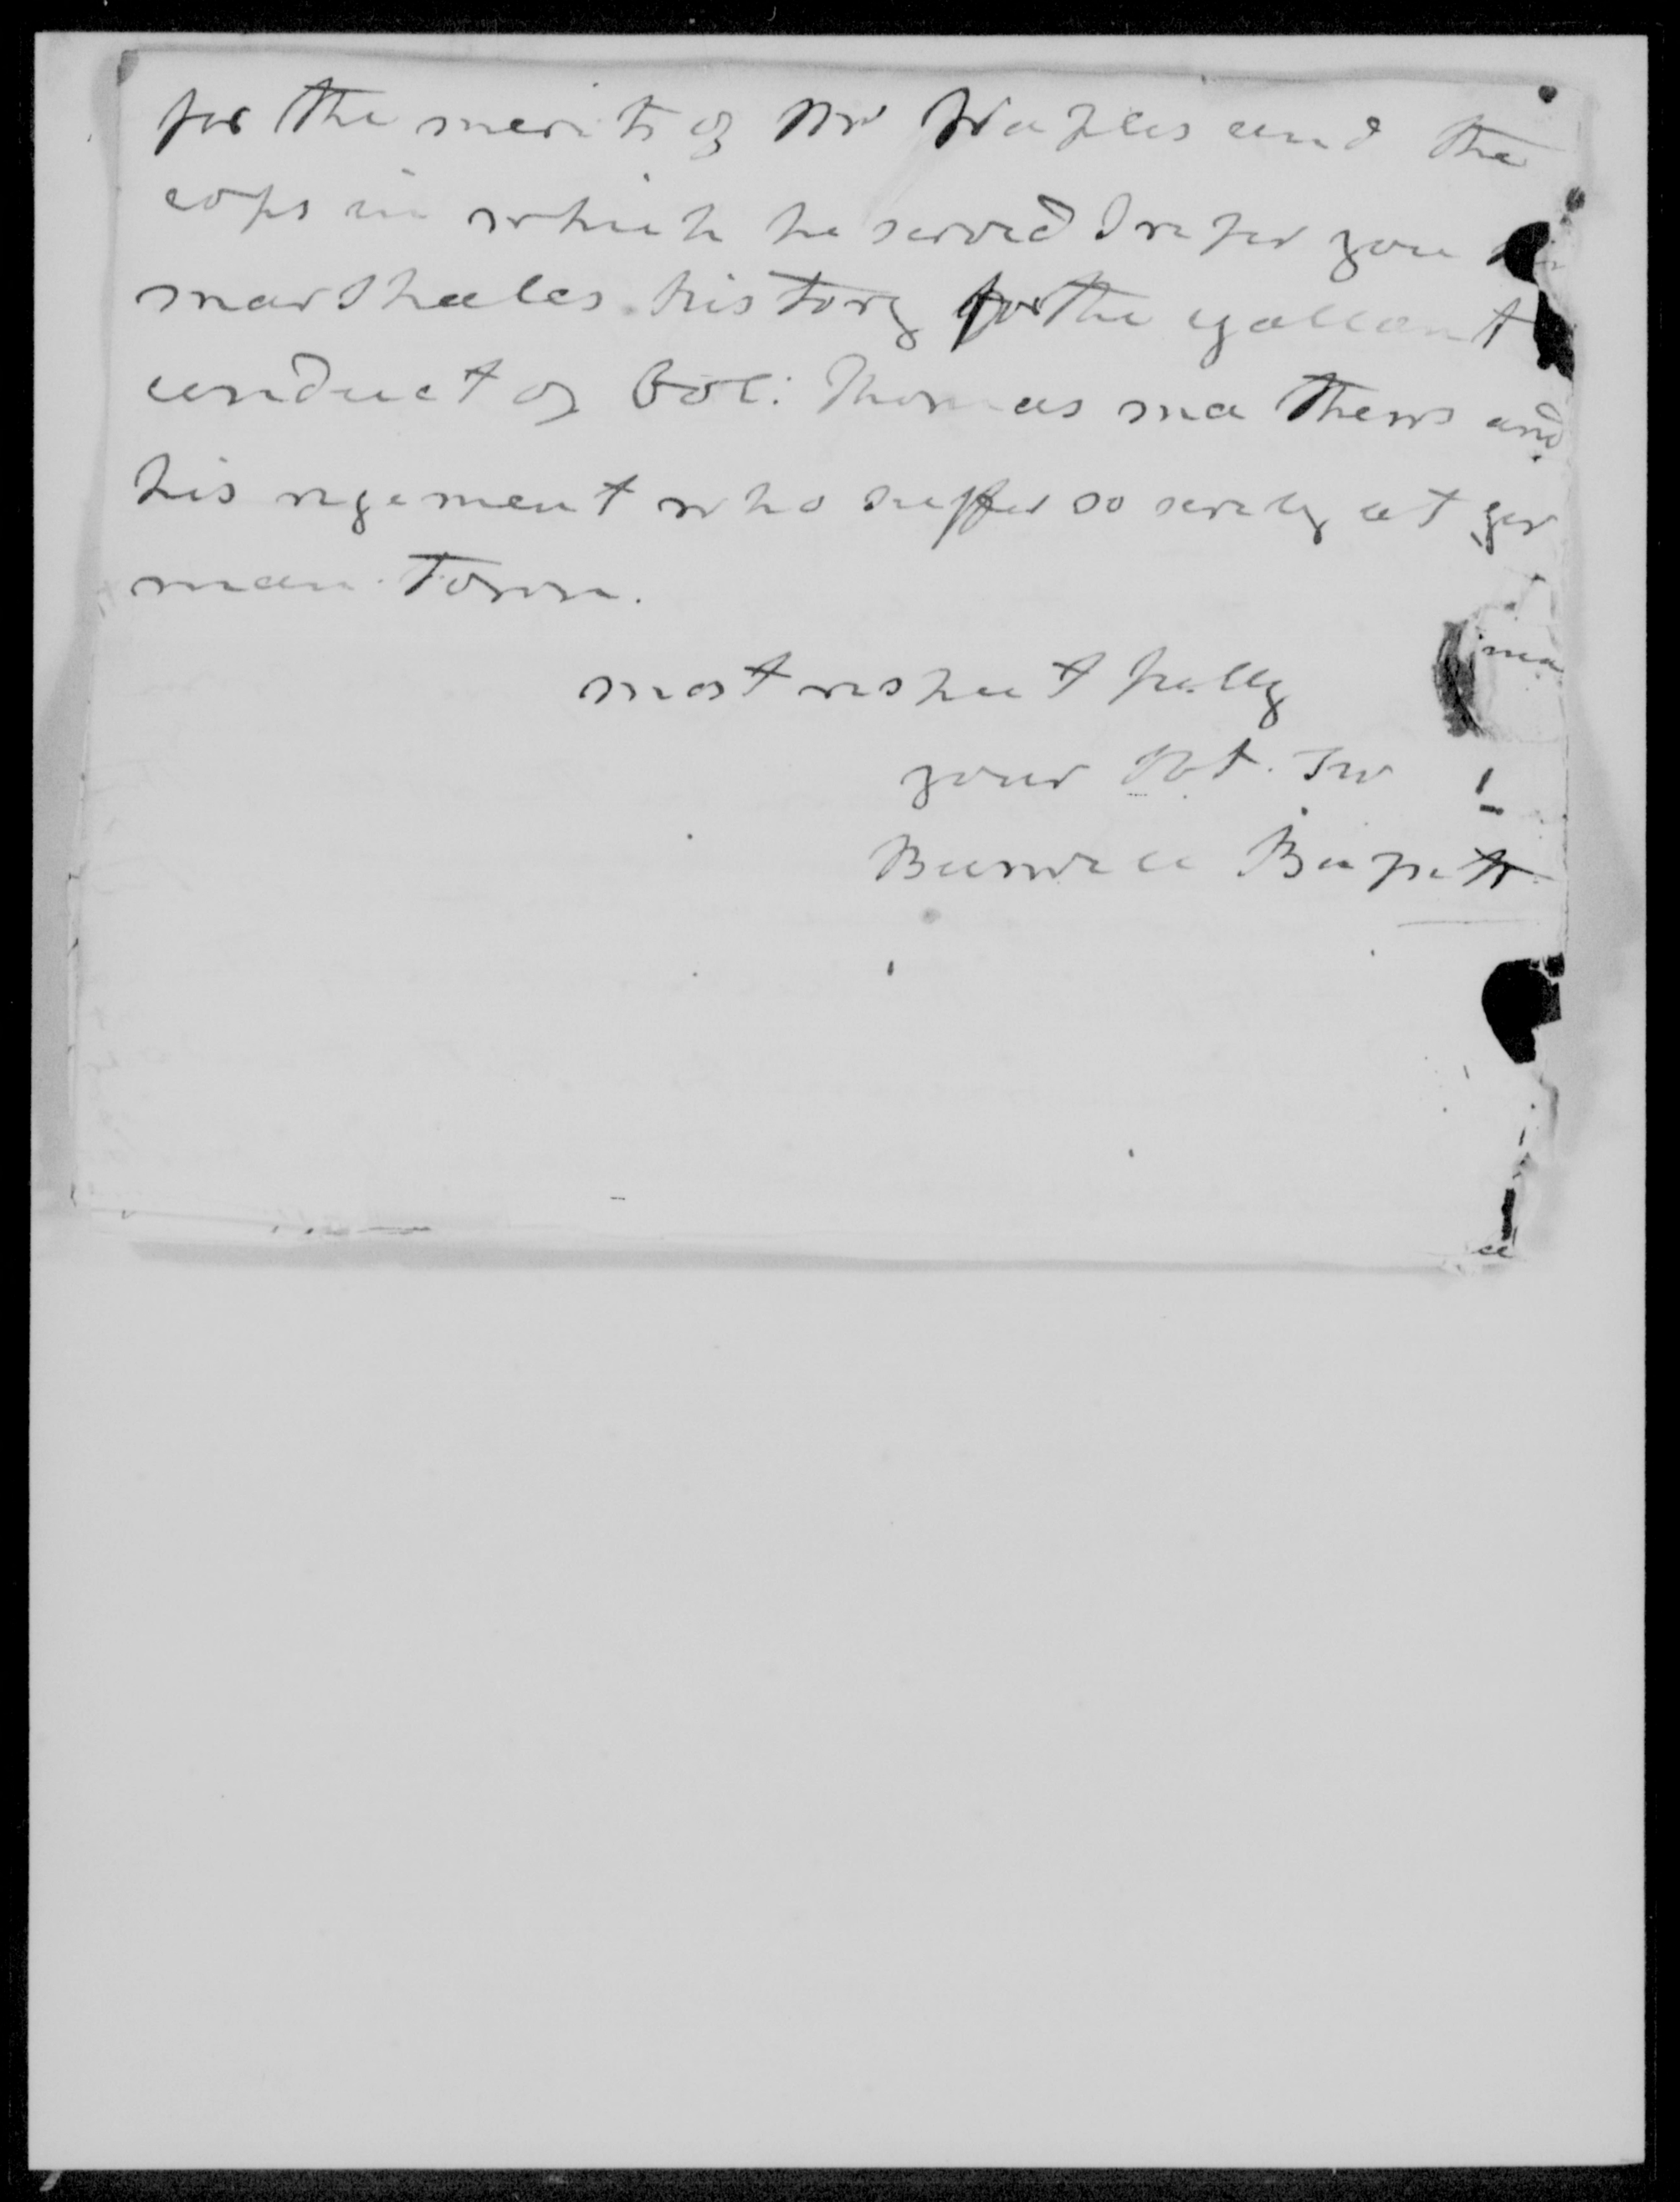for the merit of Mr. Waples and the corps in which he served I refer you to Marshalls history for the gallant conduct of Col: Thomas Mathew and his regiment who suffers so serely at german town.
Most respectfully
your Obt. Servt
Burwell Bassett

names: Burwell Bassett, Waples, Thomas Mathews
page: 35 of 59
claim: widow's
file: W. 6427, Samuel Waples, Va.